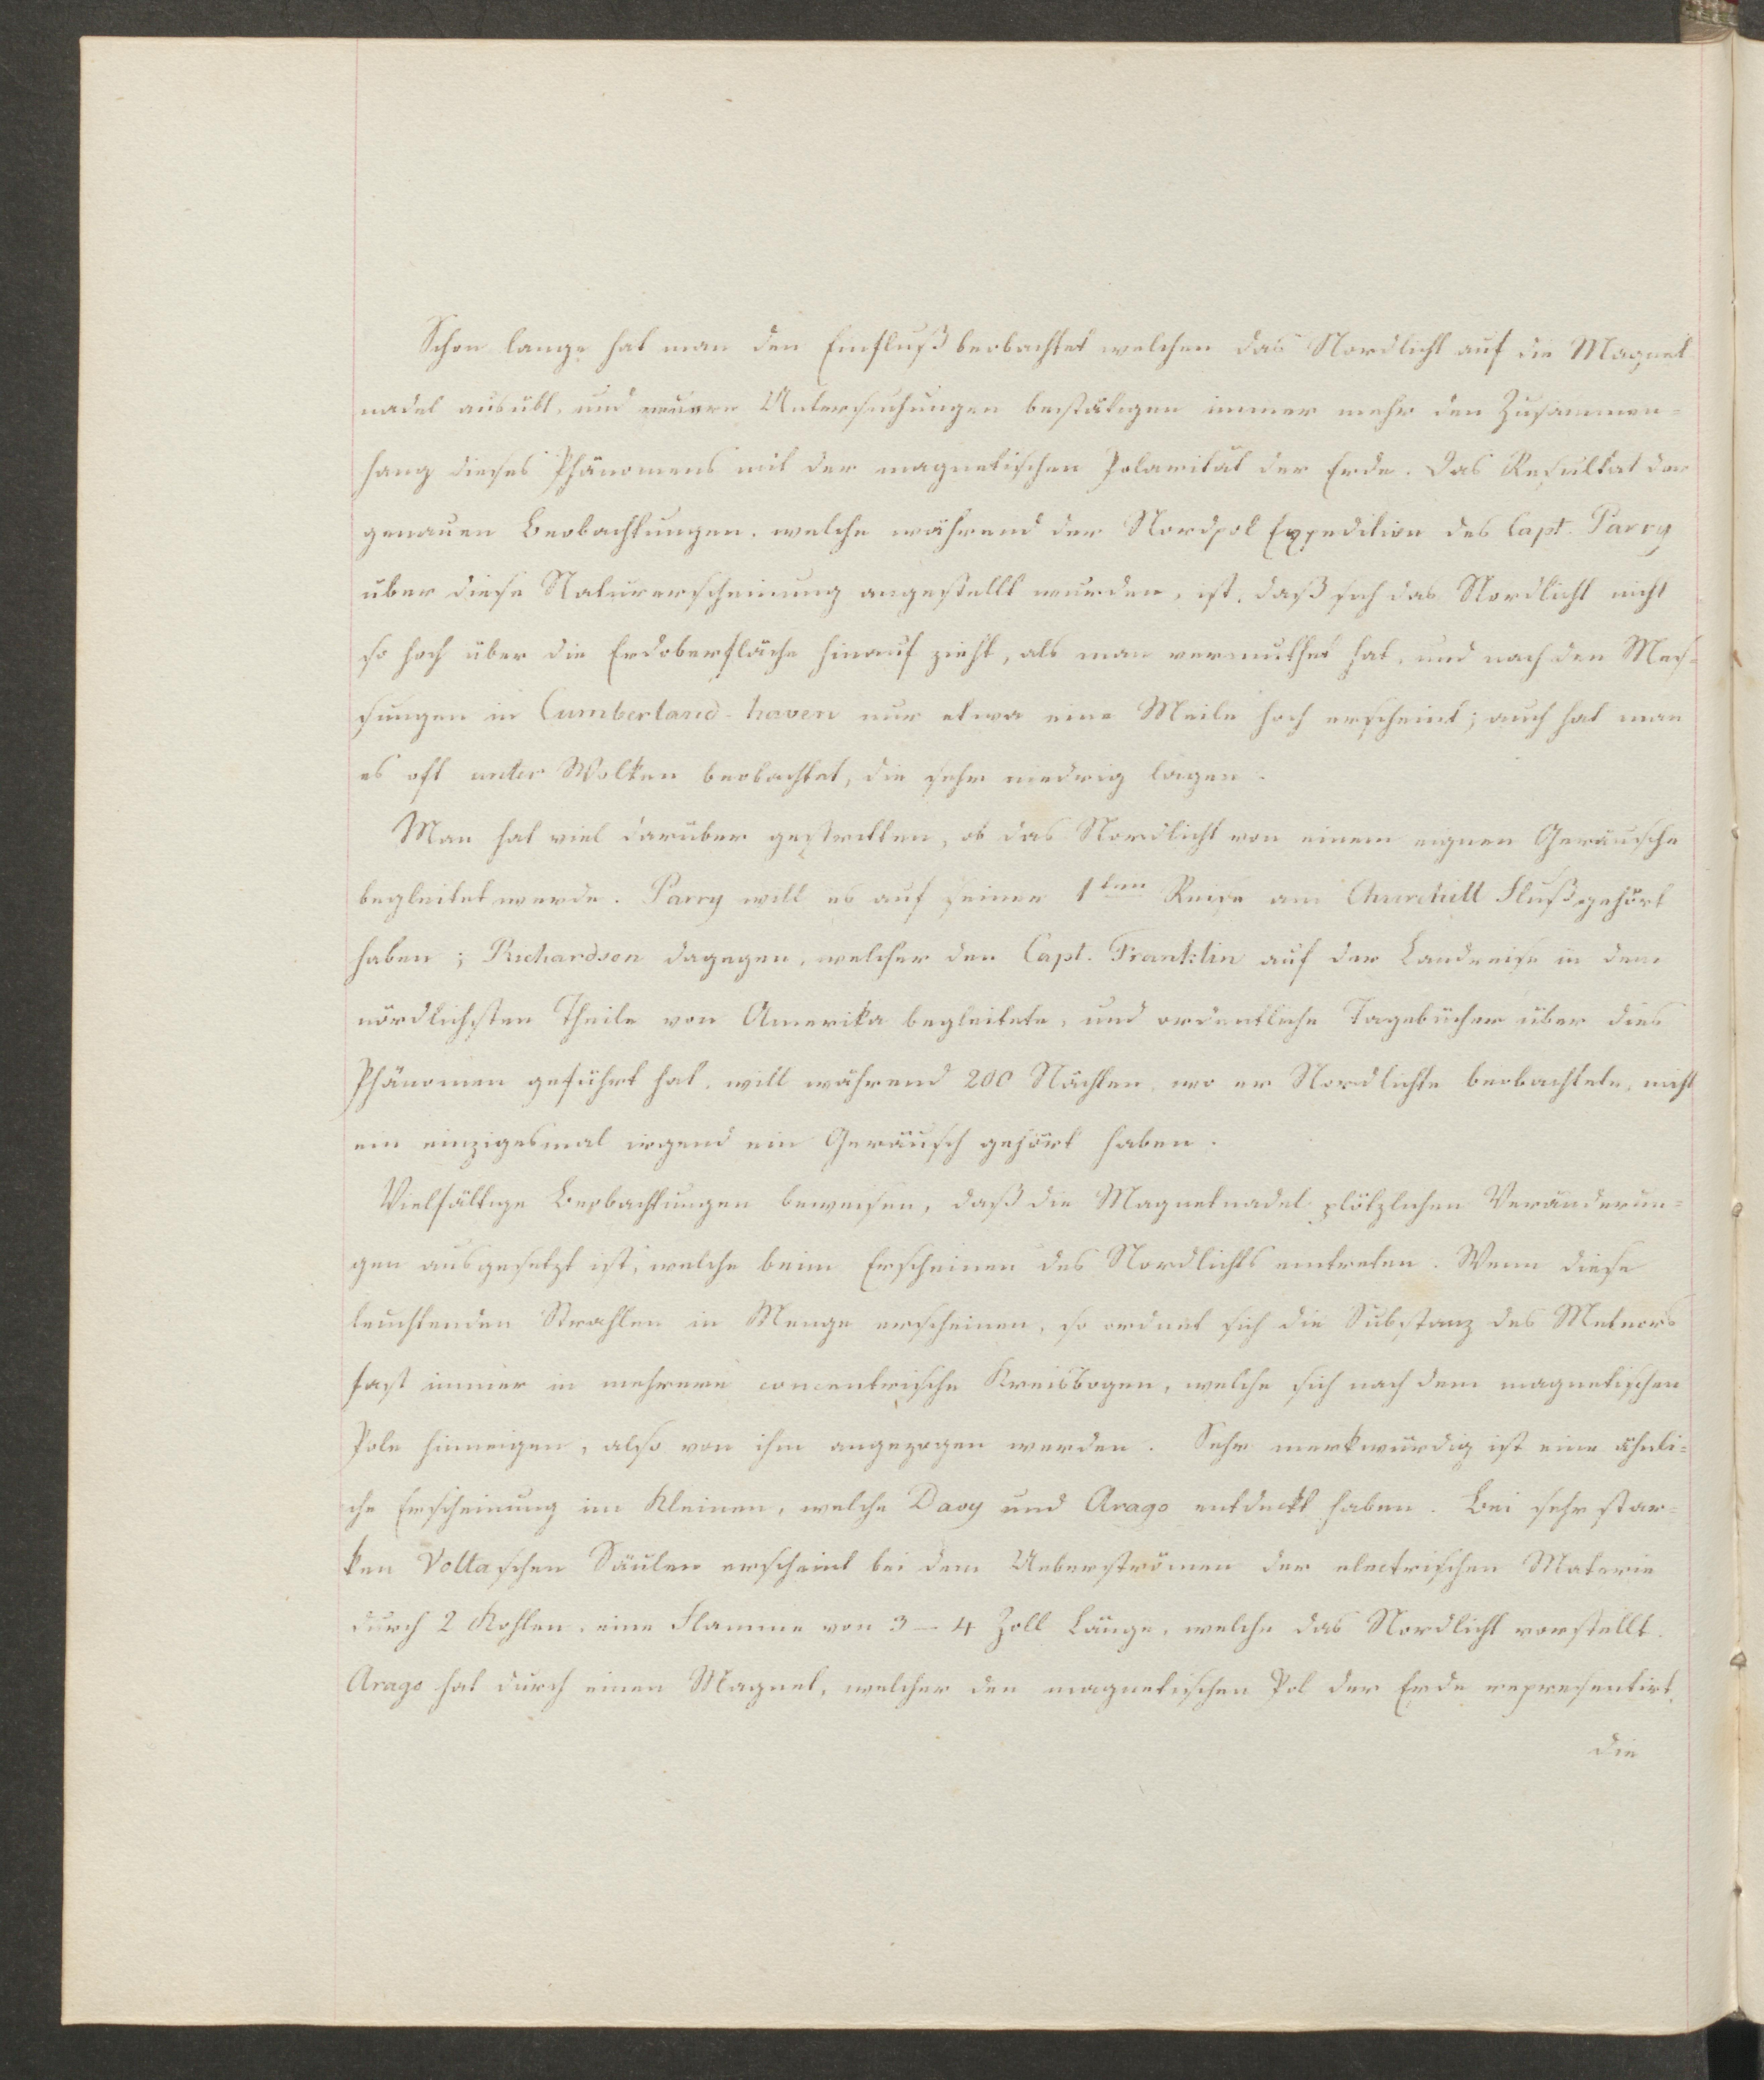Schon lange hat man den Einfluß beobachtet welchen das Nordlicht auf die Magnet-
nadel ausübt, und neuere Untersuchungen bestätigen immer mehr den Zusammen-
hang dieses Phänomens mit der magnetischen Polarität der Erde. Das Resultat der
genauen Beobachtungen, welche während der Nordpol Expedition des Capt. Parry
über diese Naturerscheinung angestellt wurden, ist, daß sich das Nordlicht nicht
so hoch über die Erdoberfläche hinauf zieht, als man vermuthet hat, und nach den Mes-
sungen in Cumberland-haven nur etwa eine Meile hoch erscheint; auch hat man
es oft unter Wolken beobachtet, die sehr niedrig lagen.
Man hat viel darüber gestritten, ob das Nordlicht von einem eignen Geräusche
begleitet werde. Parry will es auf seiner 1ten Reise am Churchill Fluß gehört
haben; Richardson dagegen, welcher den Capt. Franklin auf der Landreise in dem
nördlichsten Theile von Amerika begleitete, und ordentliche Tagebücher über dies
Phänomen geführt hat, will während 200 Nächten, wo er Nordlichte beobachtete, nicht
ein einzigesmal irgend ein Geräusch gehört haben.
Vielfältige Beobachtungen beweisen, daß die Magnetnadel plötzlichen Veränderun-
gen ausgesetzt ist, welche beim Erscheinen des Nordlichts eintreten. Wenn diese
leuchtenden Strahlen in Menge erscheinen, so ordnet sich die Substanz des Meteors
fast immer in mehrere concentrische Kreisbogen, welche sich nach dem magnetischen
Pole hinneigen, also von ihm angezogen werden. Sehr merkwürdig ist eine ähnli-
che Erscheinung im Kleinen, welche Davy und Arago entdeckt haben. Bei sehr star-
ken Voltaschen Säulen erscheint bei dem Ueberströmen der electrischen Materie
durch 2 Kohlen, eine Flamme von 3–4 Zoll Länge, welche das Nordlicht vorstellt.
Arago hat durch einen Magnet, welcher den magnetischen Pol der Erde representirt,
die